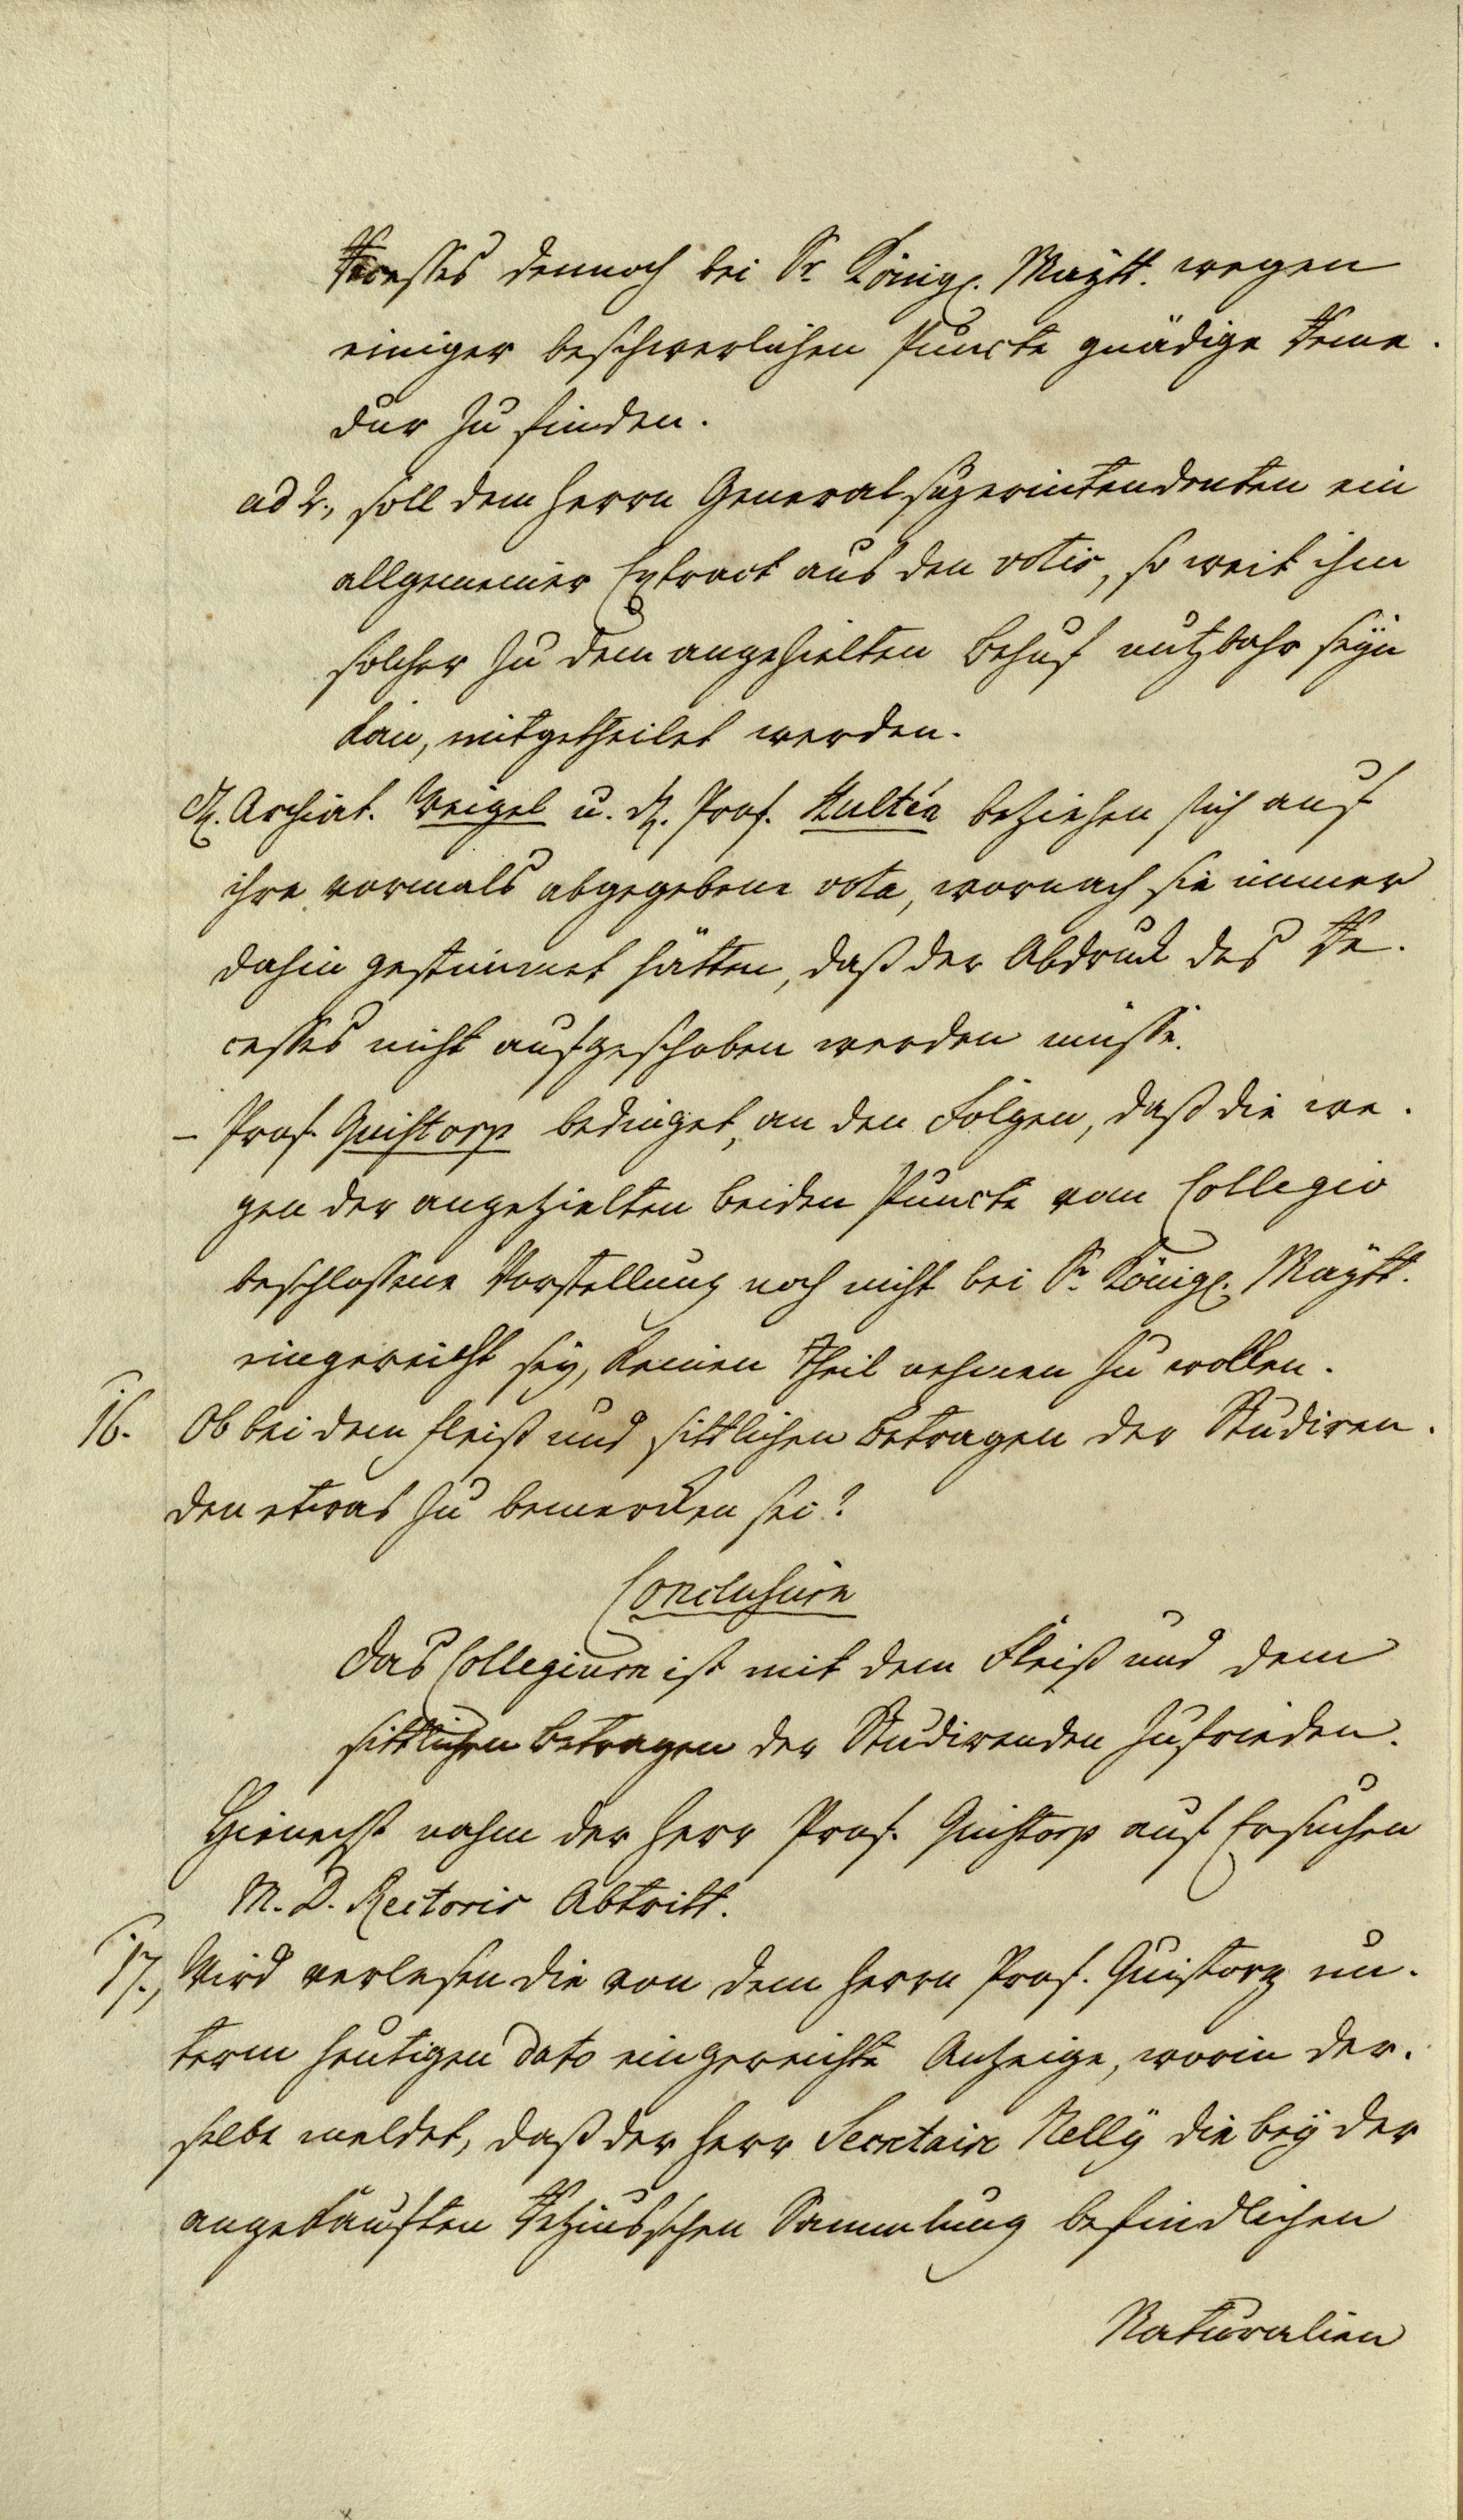Recesses dennoch bei Sr Königl. Maÿtt. wegen
einiger beschwerlichen Puncte gnädige Reme¬
dur zu finden.
ad 2., soll dem Herrn Generalsuperintendenten ein
allgemeiner Extract aus den votis, so weit ihm
solcher zu dem angezielten Behuf nutzbahr seÿn
kan, mitgetheilet werden.
dh. Archiat. Weigel. u. dh. Prof. Hultén beziehen sich auf
ihre vormals abgegebene vota, wornach sie immer
dahin gestimmet hätten, daß der Abdruck des Re¬
cesses nicht aufgeschoben werden müsse.
Prof. Quistorp bedinget, an den Folgen, daß die we¬
gen der angezielten beiden Puncte vom Collegio
beschlossene Vorstellung noch nicht bei Sr Königl. Maÿtt.
eingereicht seÿ, keinen Theil nehmen zu wollen.
16. Ob bei dem Fleiß und sittlichen Betragen der Studiren¬
den etwas zu bemercken sei?
Conclusum
Das Collegium ist mit dem Fleiß und dem
sittlichen Betragen der Studirenden zufrieden.
Hienechst nahm der Herr Prof. Quistorp auf Ersuchen
M. D. Rectoris Abtritt.
17., Wird verlesen die von dem Herrn Prof. Quistorp un¬
term heutigen dato eingereichte Anzeige, worin der¬
selbe meldet, daß der Herr Secetaire Nellÿ die bey der
angekauften Reziusschen Sammlung befindlichen
Naturalien